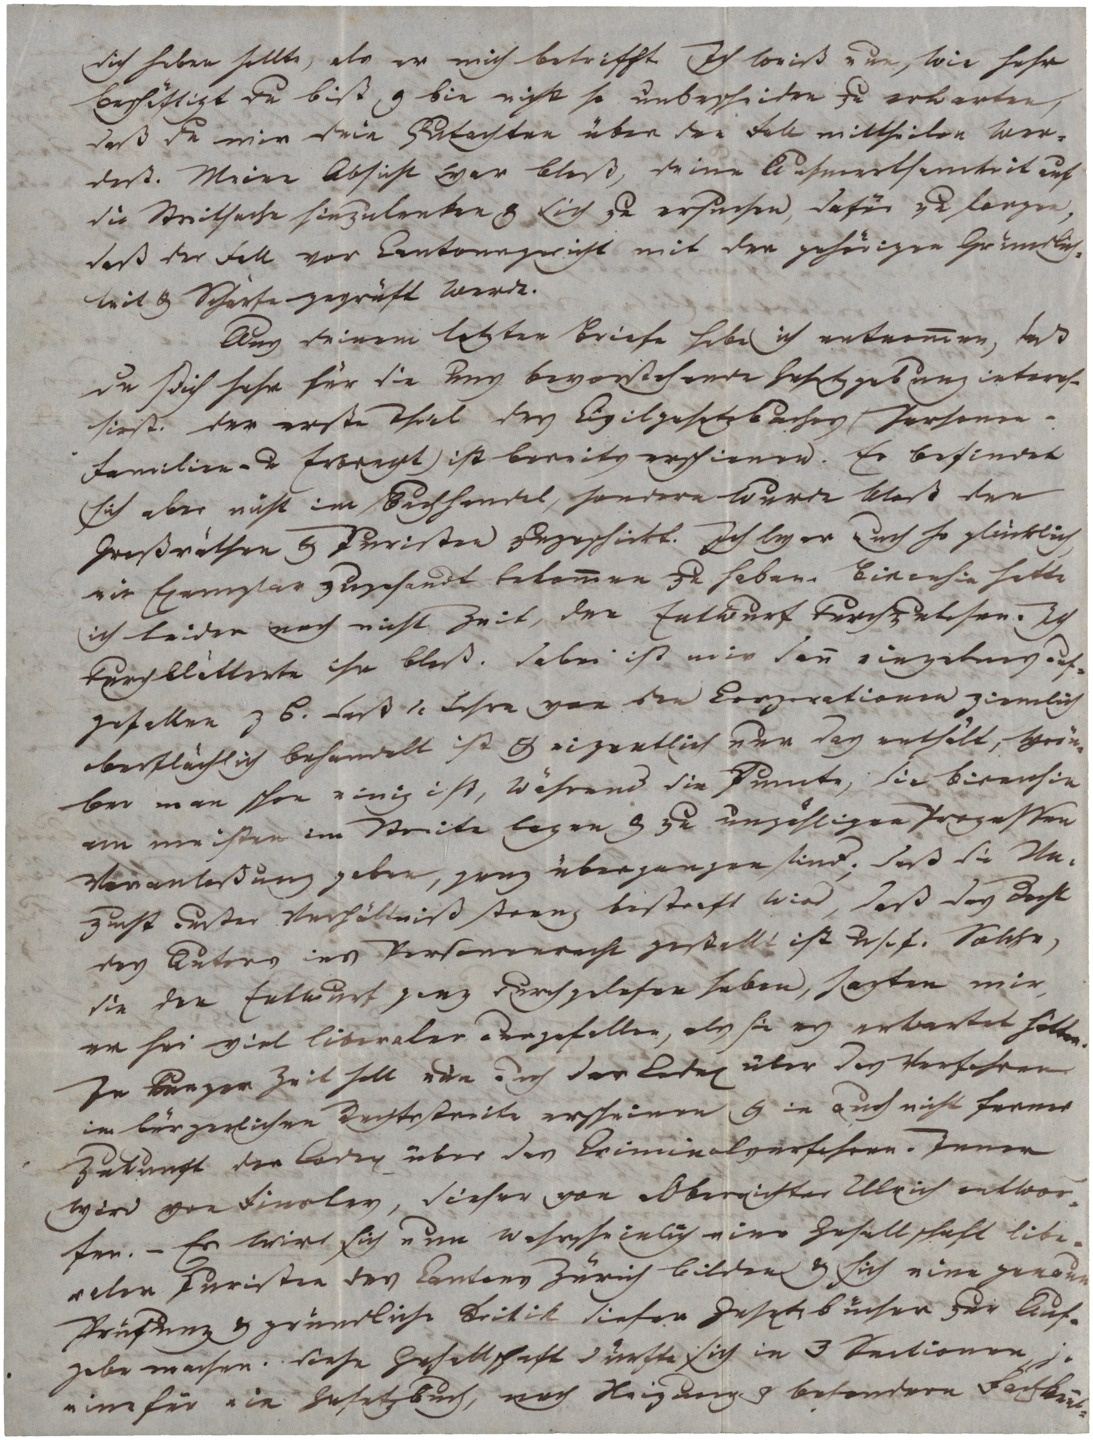dich haben sollte, als er mich betrifft. Ich weiß nur, wie sehr
beschäftigt Du bist & bin nicht so unbescheiden zu erwarten,
daß Du mir Dein Gutachten über den Fall mittheilen wer-
dest. Meine Absicht war bloß, Deine Aufmerksamkeit auf
die Streitsache hinzulenken & dich zu ersuchen, dafür zu sorgen,
daß der Fall vor Cantonsgericht mit der gehörigen Gründlich-
keit & Schärfe geprüft werde.
Aus Deinem letzten Briefe habe ich entnommen, daß
du dich sehr für die uns bevorstehende Gesetzgebung interes-
sirst. Der erste Theil des Civilgesetzbuches (Personen-
Familien- u Erbrecht) ist bereits erschienen. Er befindet
sich aber nicht im Buchhandel, sondern wurde bloß den
Großräthen & Juristen zugeschickt. Ich war auch so glücklich,
ein Exemplar zugesandt bekommen zu haben. Bis anhin hatte
ich leider noch nicht Zeit, den Entwurf durchzulesen. Ich
durchblätterte ihn bloß. Dabei ist mir dann einzelnes auf-
gefallen, z. B. d. Lehre von den Coorperationen ziemlich
oberflächlich behandelt ist, &eigentlich nur das enthält; worü-
ber man schon einig ist, während die Puncte, die bisanhin
am meisten im Streite lagen & zu unzähligen Prozessen
Veranlaßung gaben, ganz übergangen sind; daß die Un-
zucht außer Verhältniß streng bestraft wird, daß das Recht
des Autors ins Personenrecht gestellt ist u. s. f. Solche,
die den Entwurf ganz durchgelesen haben, sagten mir,
er sei viel liberaler ausgefallen, als sie es erwartet hätten.
In kurzer Zeit soll nun auch der Codex über das Verfahren
im bürgerlichen Rechtsstreite erscheinen & in auch nicht ferner
Zukunft der Codex über das Criminalverfahren. Jener
wird von Finsler, dieser von Oberrichter Ulrich entwor-
fen. – Es wird sich nun wahrscheinlich eine Gesellschaft libe-
raler Juristen des Cantons Zürich bilden &sich eine genaue
Prüfung & gründliche Kritik dieser Gesetzbücher zur Auf-
gabe machen. Diese Gesellschaft dürfte sich in 3 Sectionen, je
eine für ein Gesetzbuch, nach Neigung & besondern Fachkennt